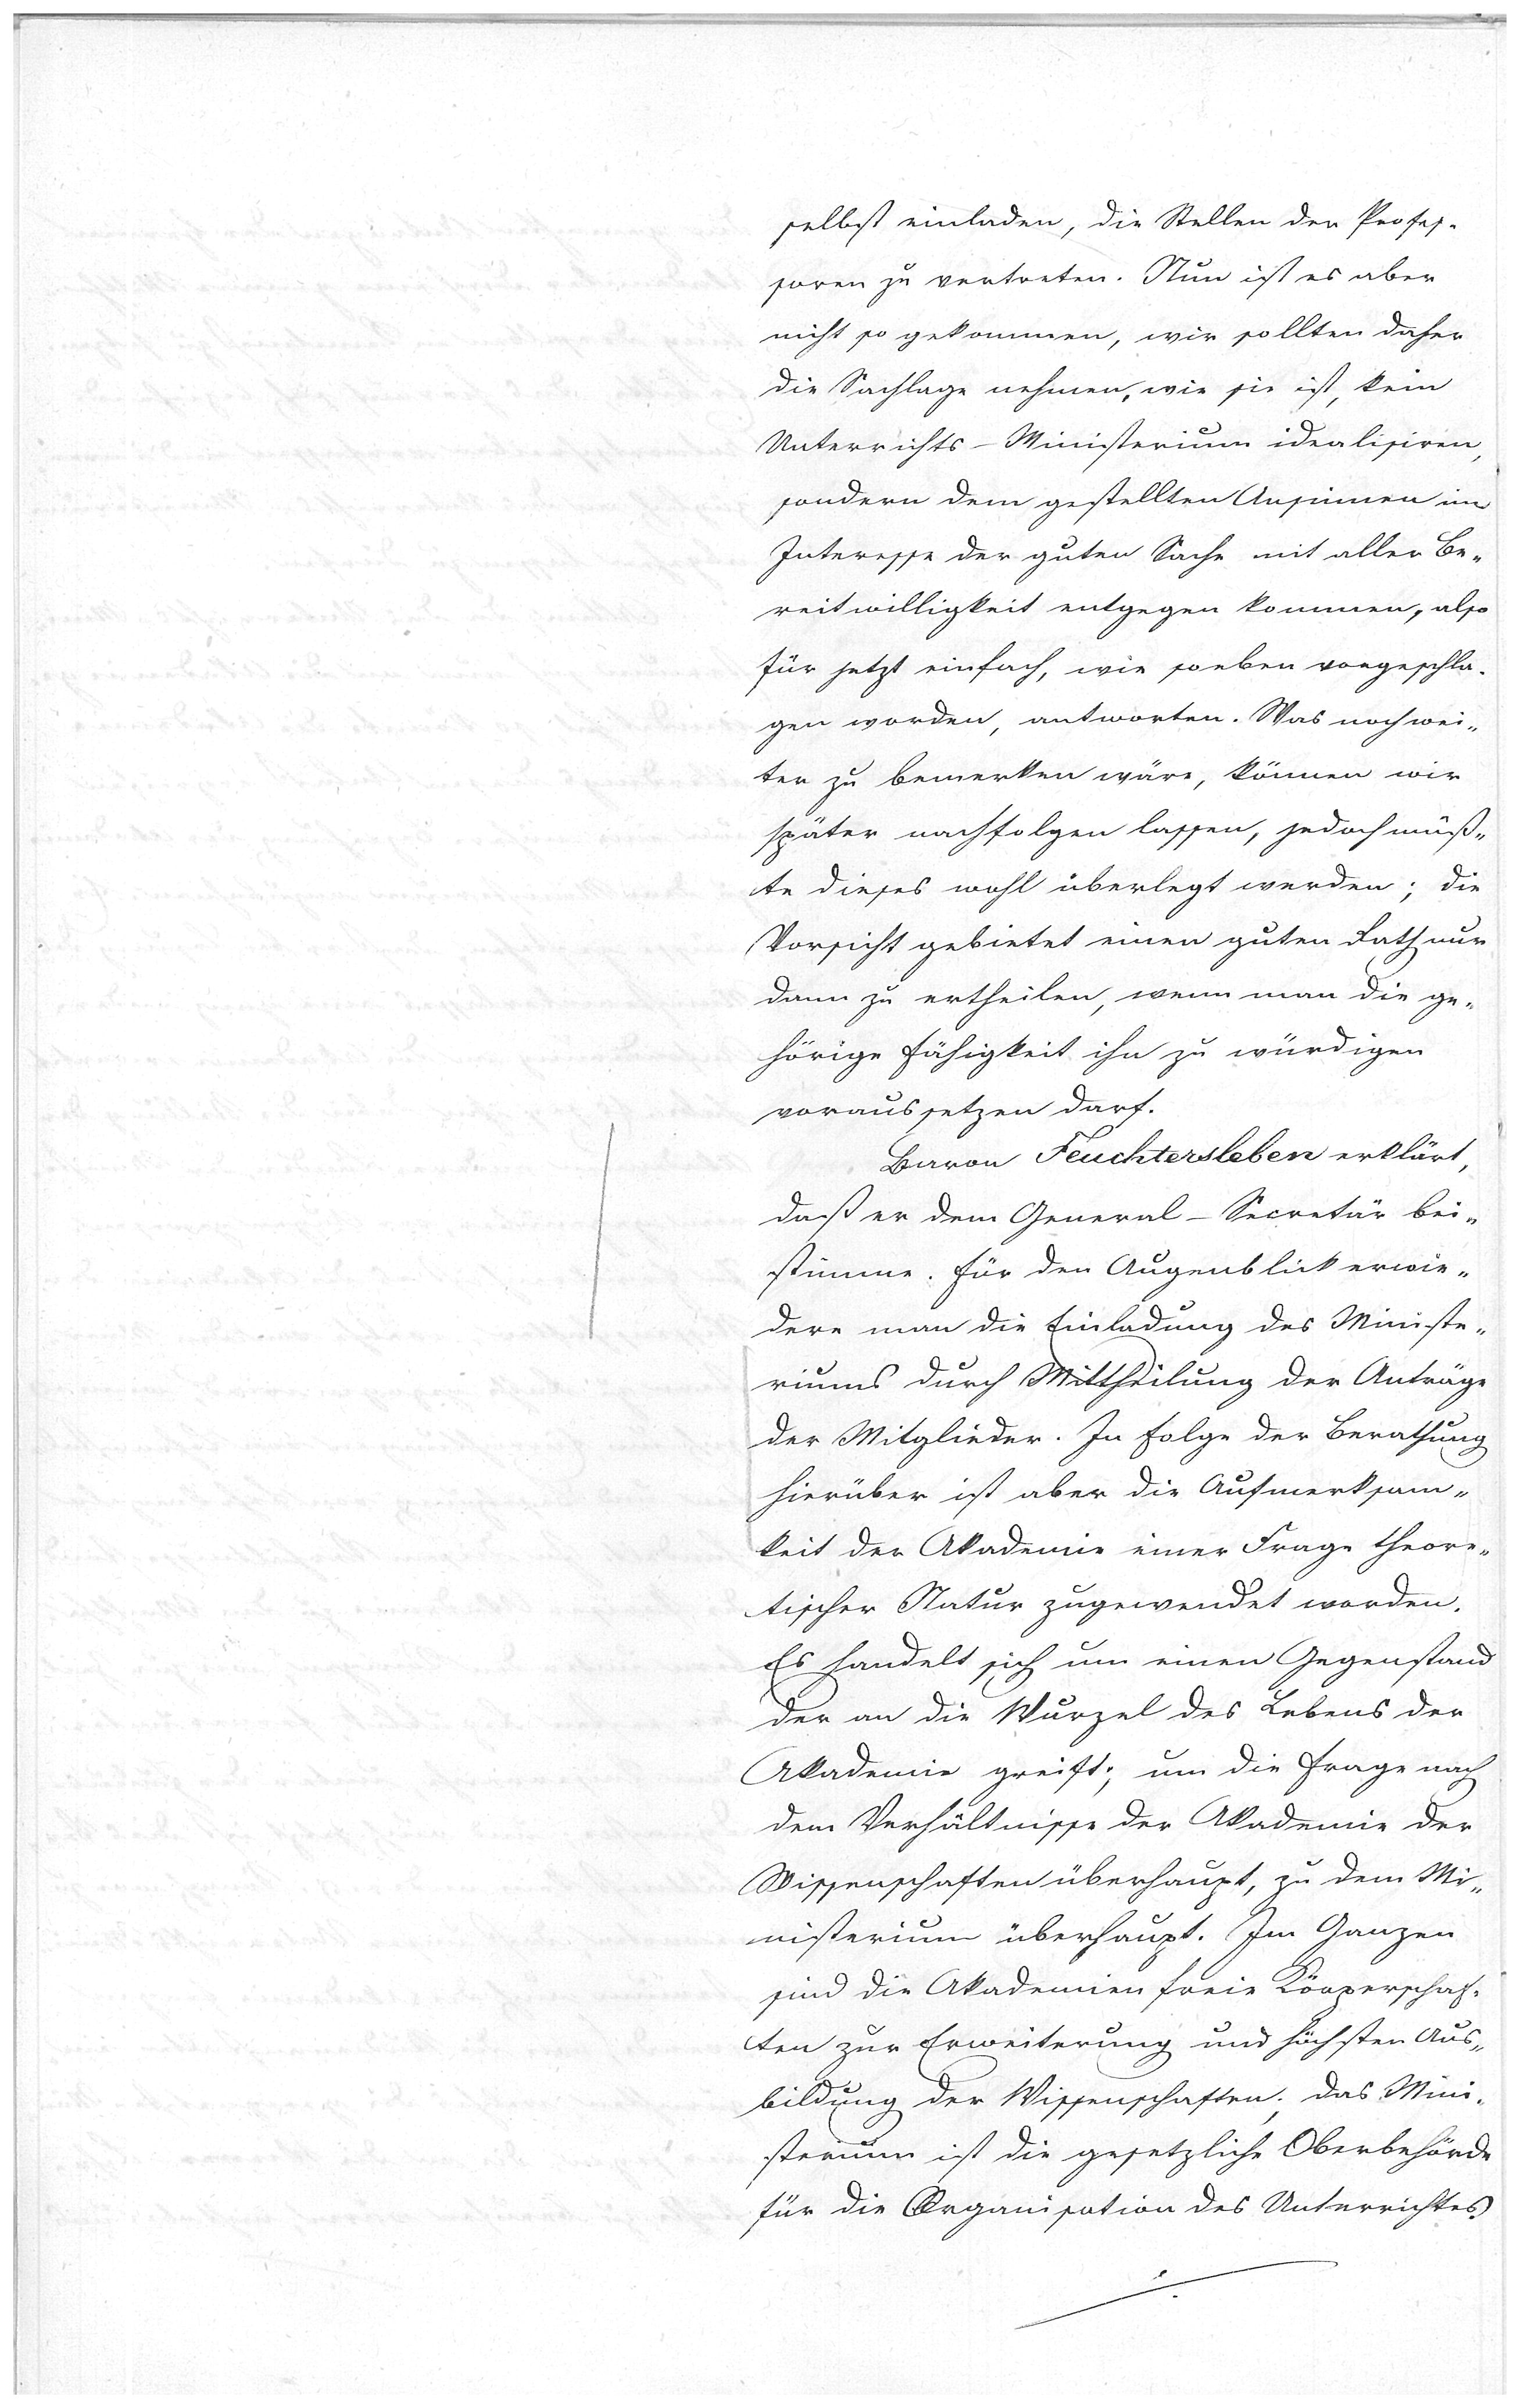selbst einladen, die Stellen der Profes-
soren zu vertreten. Nun ist es aber
nicht so gekommen, wir sollten daher
die Sachlage nehmen, wie sie ist, kein
Unterrichts-Ministerium idealisiren,
sondern dem gestellten Ansinnen im
Interesse der guten Sache mit aller Be-
reitwilligkeit entgegen kommen, also
für jetzt einfach, wie soeben vorgeschla-
gen worden, antworten. Was noch wei-
ter zu bemerken wäre, können wir
später nachfolgen lassen, jedoch müß-
te dieses wohl überlegt werden; die
Vorsicht gebietet einen guten Rath nur
dann zu ertheilen, wenn man die ge-
hörige Fähigkeit ihn zu würdigen
voraussetzen darf.
Baron Feuchtersleben erklärt,
daß er dem General-Secretär bei-
stimme. Für den Augenblick erwie-
dere man die Einladung des Ministe-
riums durch Mittheilung der Anträge
der Mitglieder: In Folge der Berathung
hierüber ist aber die Aufmerksam-
keit der Akademie einer Frage theor-
tischer Natur zugewendet worden.
Es handelt sich um einen Gegenstand
der an die Wurzel des Lebens der
Akademie greift, um die Frage nach
dem Verhältnisse der Akademie der
Wissenschaften überhaupt, zu dem Mi-
nisterium überhaupt. Im Ganzen
und die Akademien freie Körperschaf-
ten zur Erweiterung und höchsten Aus-
bildung der Wissenschaften; das Mini-
sterium ist die gesetzliche Oberbehörde
für die Organisation des Unterrichtes.